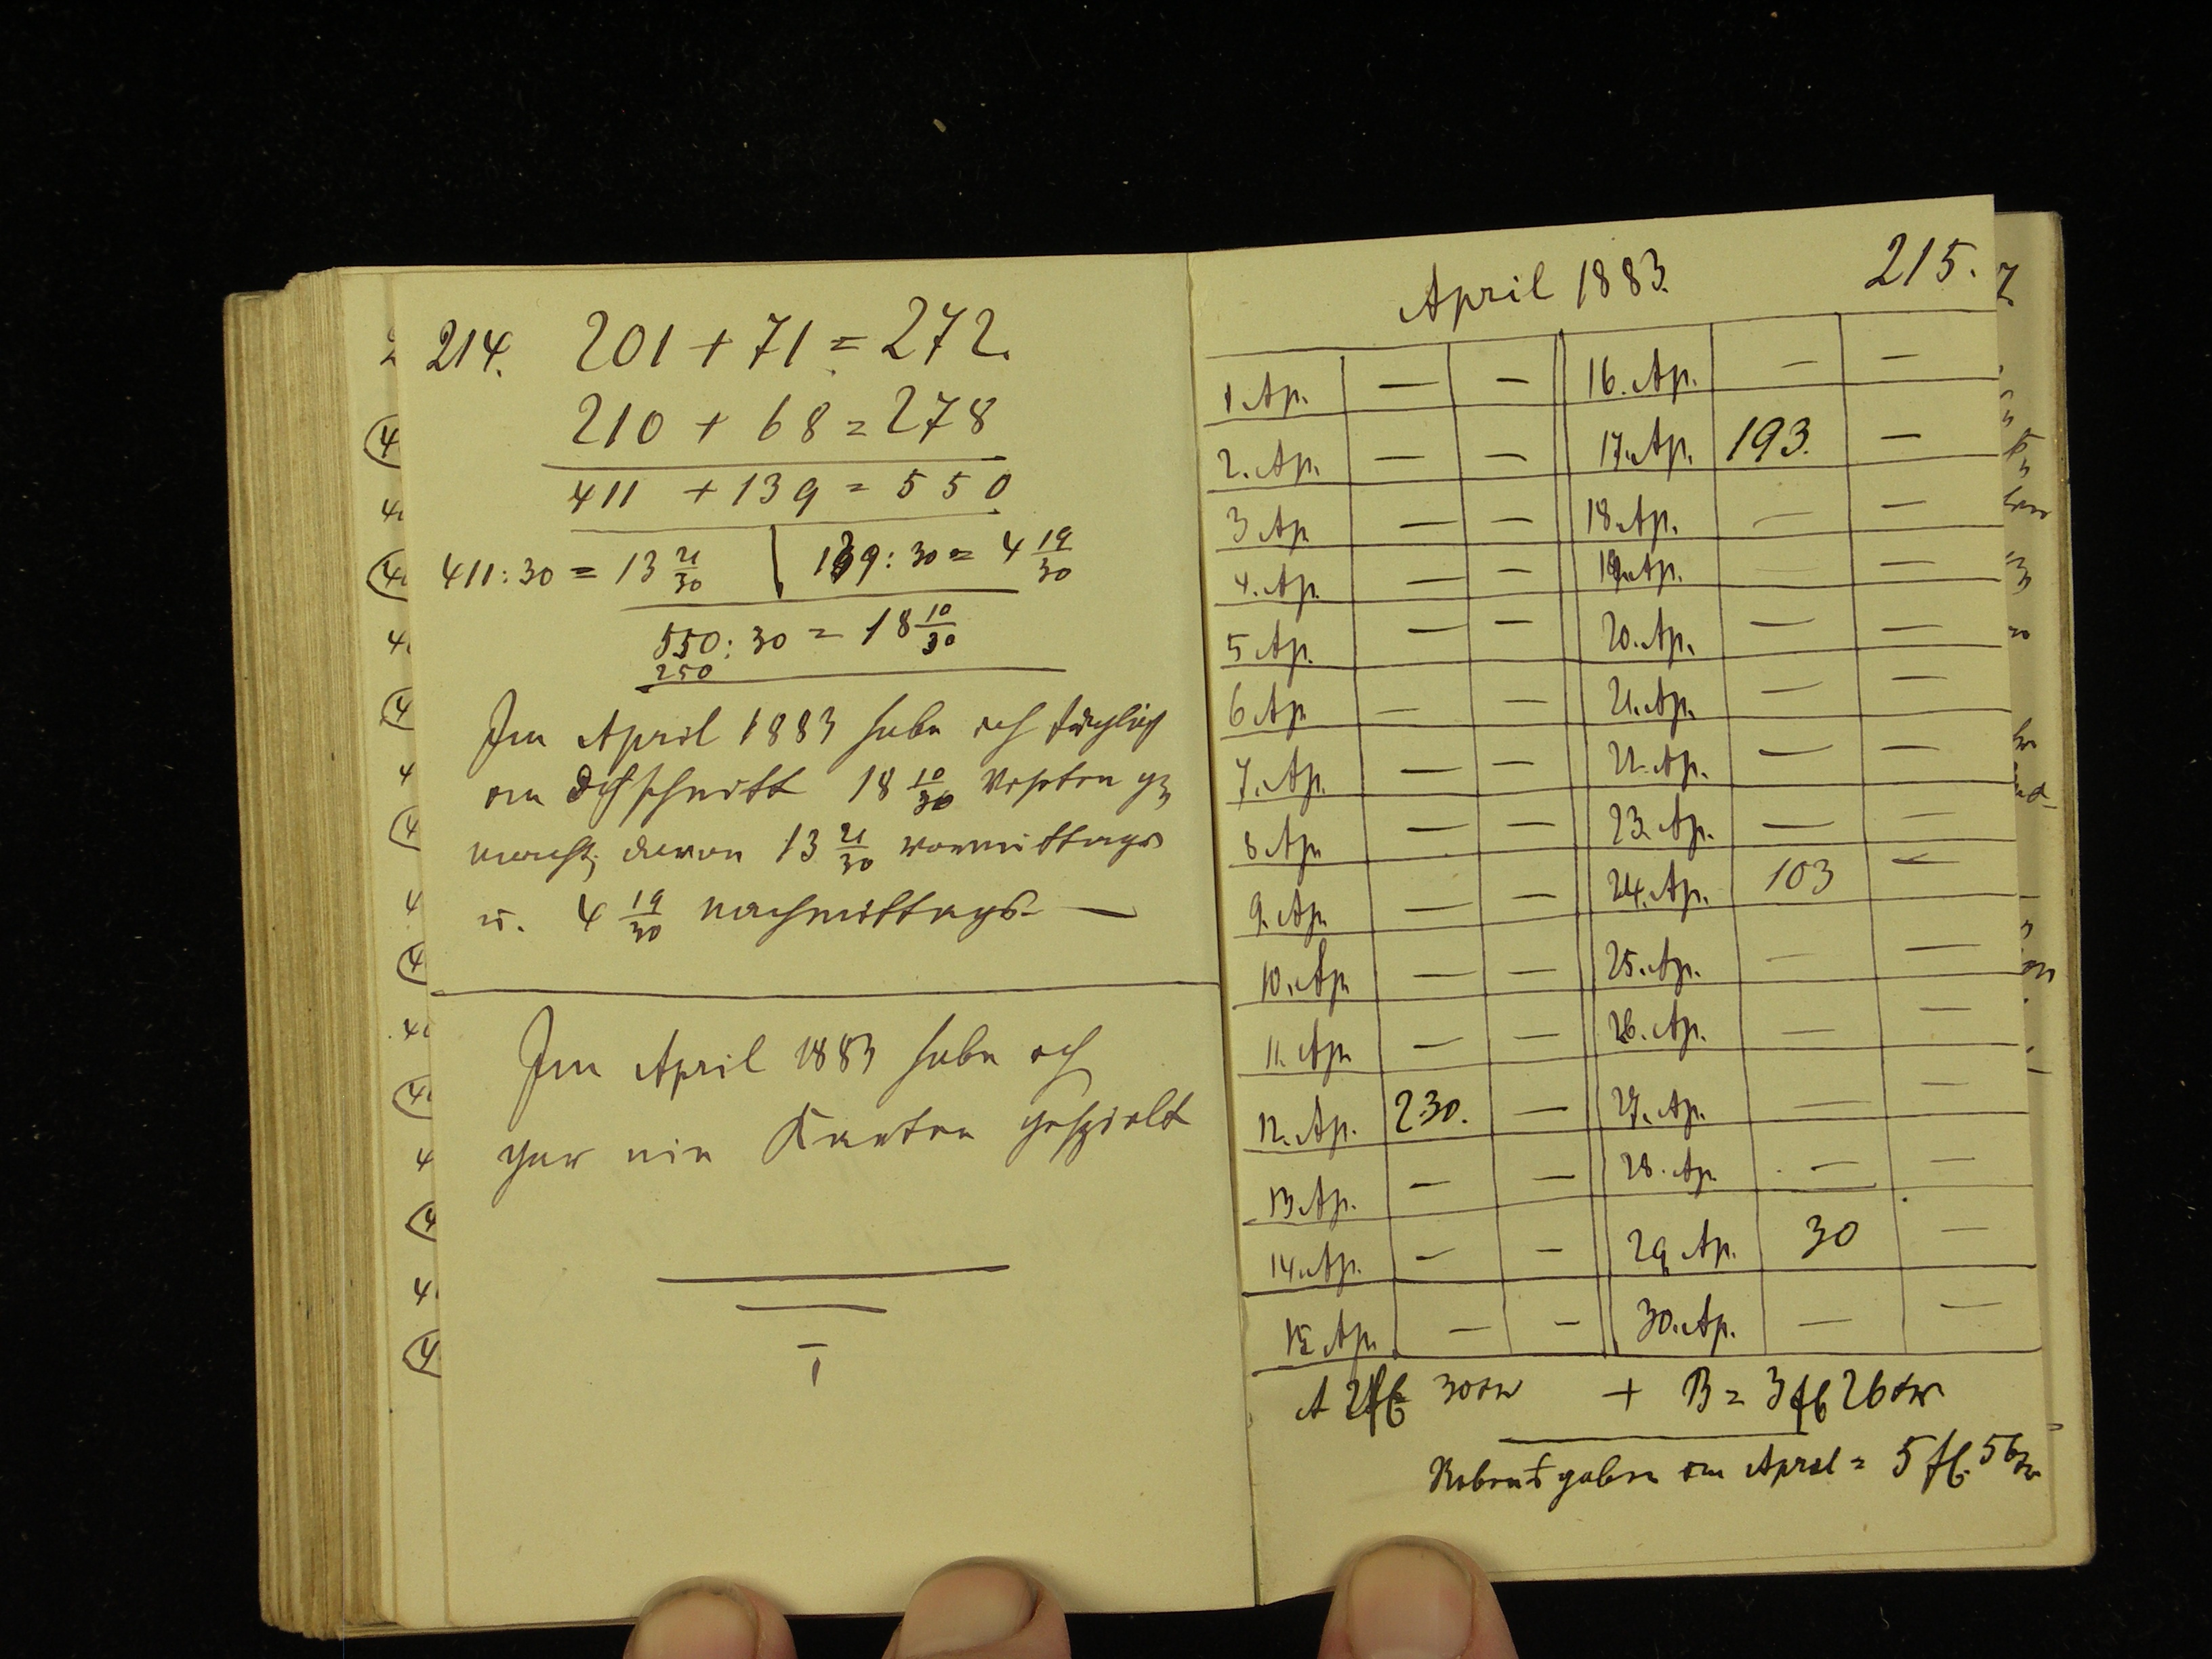214
201 + 71 = 272
210 + 68 = 278
411 + 139 = 550
139 : 30 = 4 19/30
411 : 30 = 13 21/30
550 : 30 = 18 10/30
250
Im April 1883 habe ich täglich
im Durchschnitt 18 10/30 Visiten ge¬
macht, davon 13 21(30 vormittags
und 4 19/30 nachmittags.
Im April 1883 habe ich
gar nie Karten gespielt.
215
April1883
A = 2 Fl. 30 tw. + B = 3 Fl. 26 tw
Nebenausgaben im April 5 Fl. 26 tw.
1. April
-
-
16. April
-
-
2. April
-
-
17. April
193
-
3. April
-
-
18. April
-
-
4. April
-
-
19. April
-
-
5. April
-
-
20. April
-
-
6. April
-
-
21. April
-
-
7. April
-
-
22. April
-
-
8. April
-
-
23. April
-
-
9. April
-
-
24. April
103
-
10. April
-
-
25. April
-
-
11. April
-
-
26. April
-
-
12. April
2.30
-
27. April
-
-
13. April
-
-
28. April
-
-
14. April
15. April
-
-
-
-
30. April
30. April
30
-
-
-